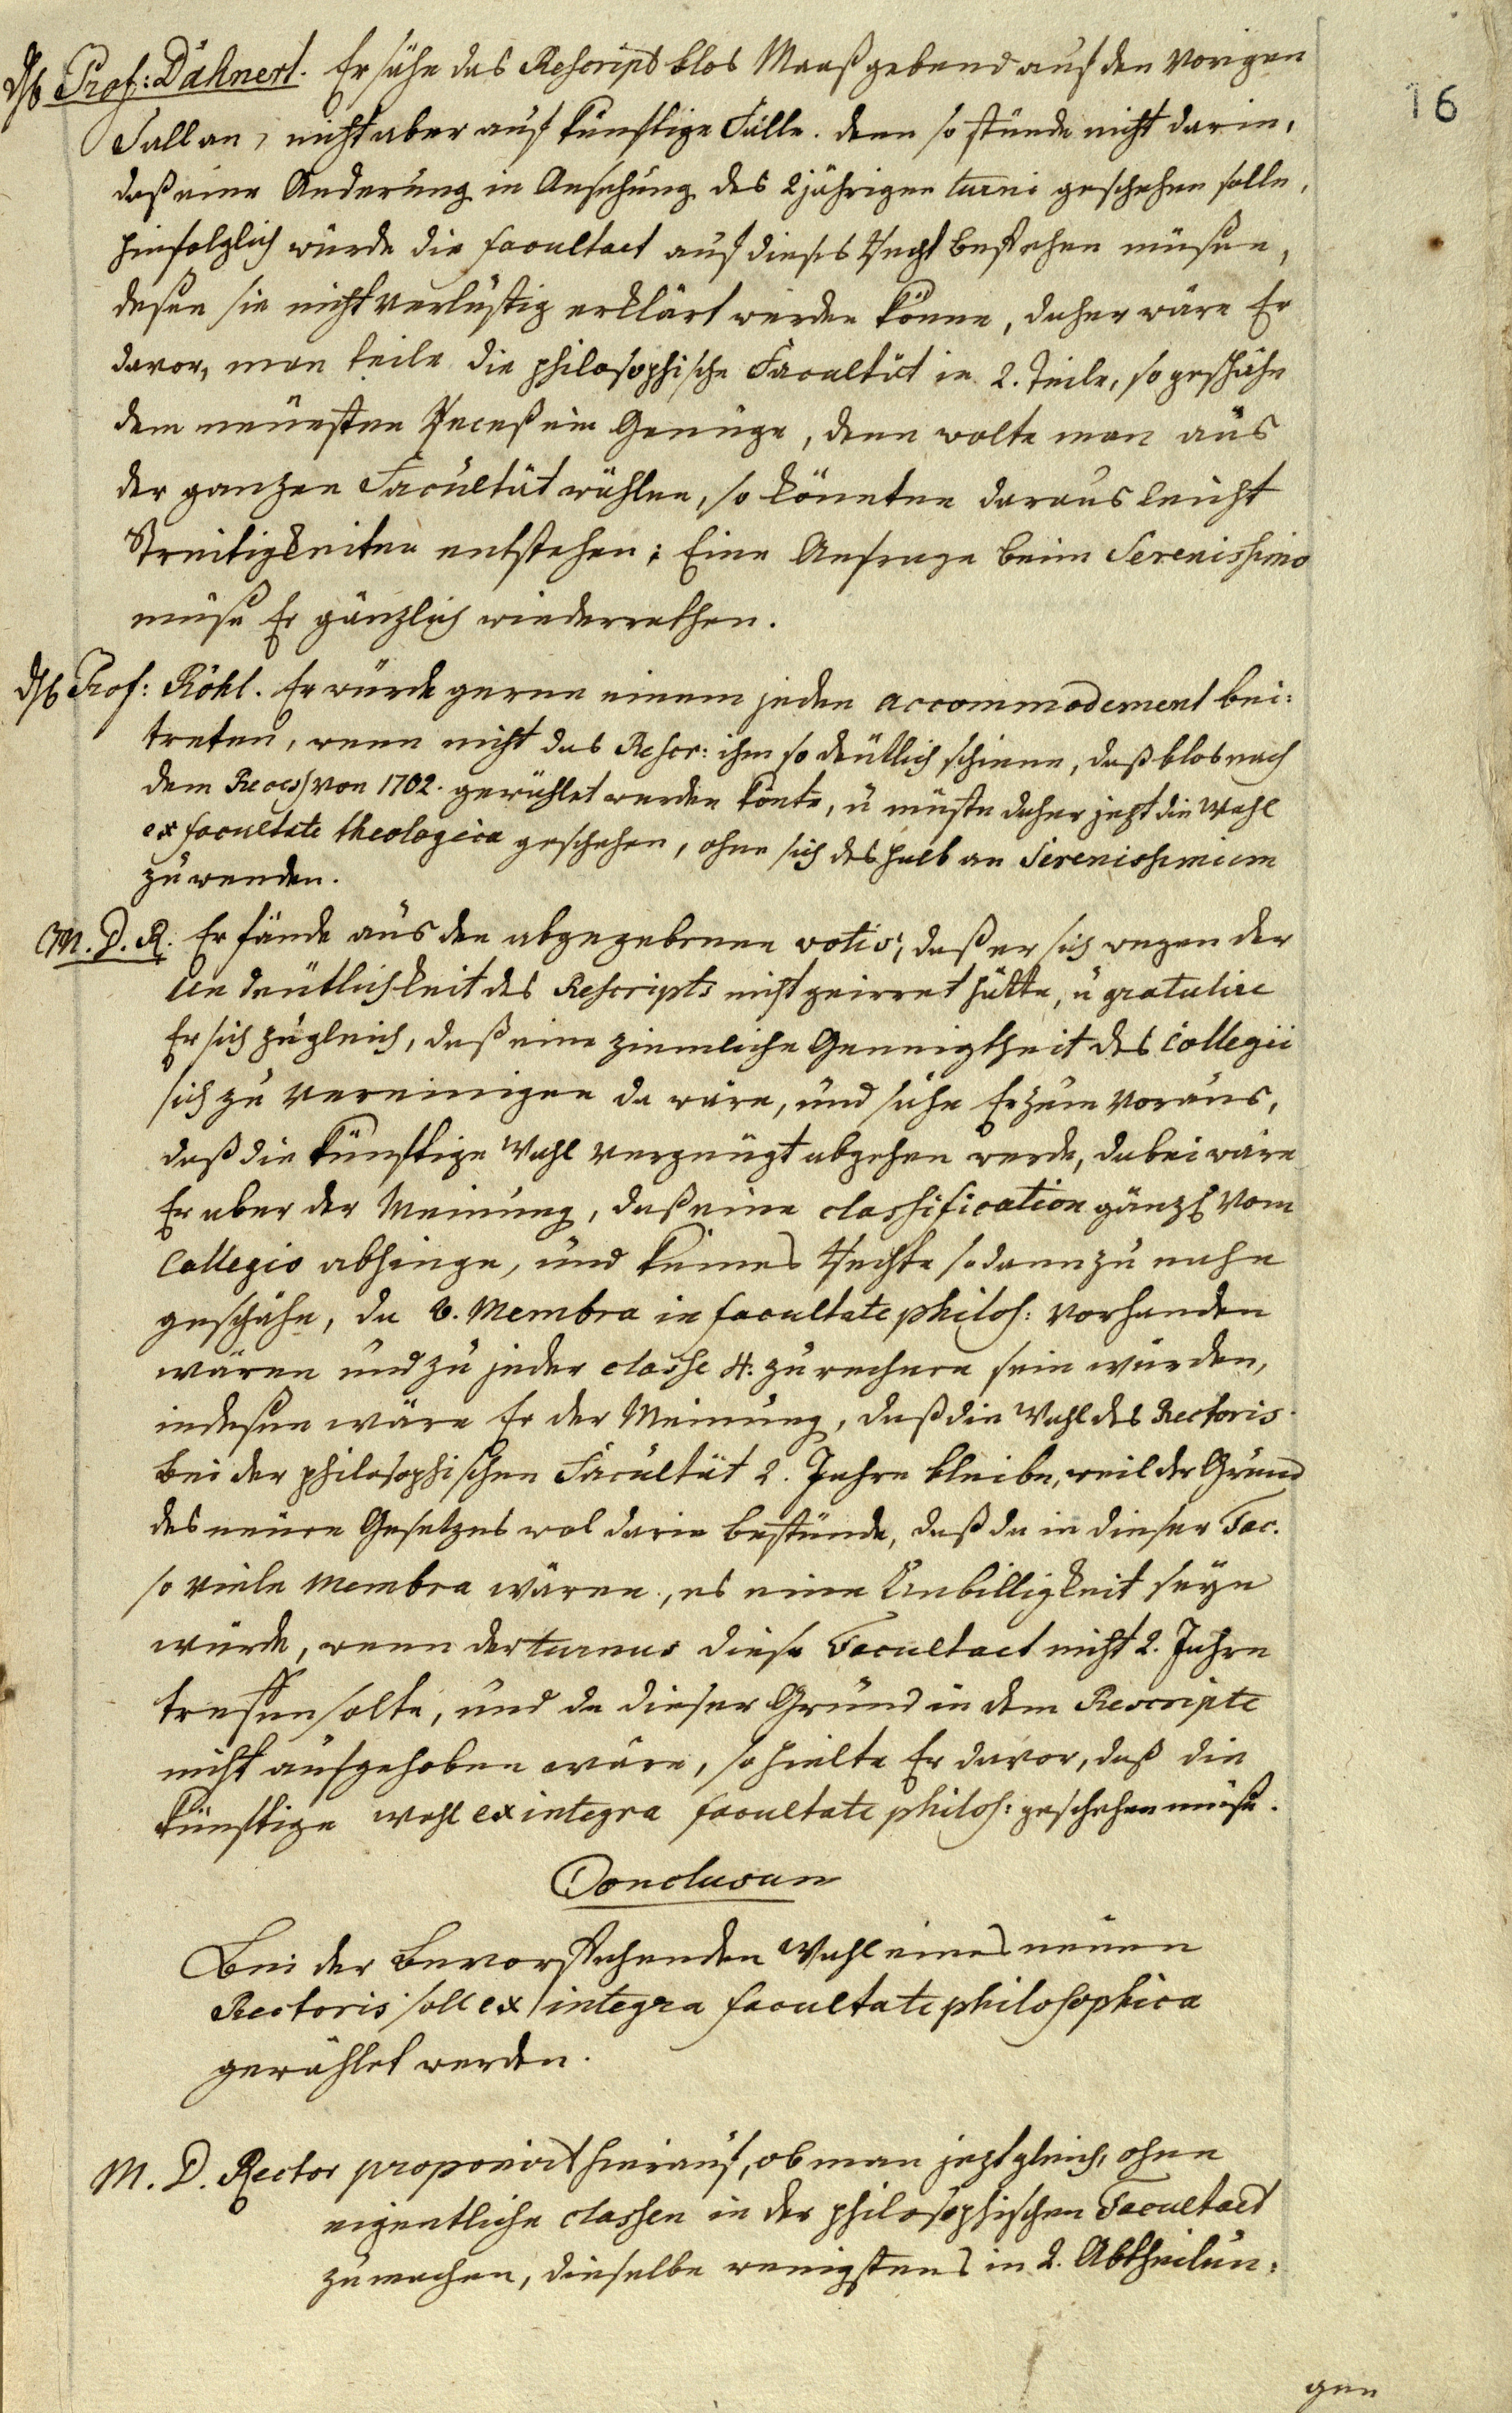dh. Prof. Dähnert. Er sähe das Rescript blos Maaß gebend auf den vorigen
Fall an, nicht aber auf künftige Fälle. Denn so stünde nicht darin,
daß eine Anderung in Ansehung des 2jährigen turni geschehen solle
hinfolglich würde die facultaet auf dieses Recht bestehen müßen,
deßen sie nicht verlustig erklärt werden könne, daher wäre Er
davor, man teile die philosophische facultät in 2 Teile, so geschähe
dem neuesten Receß ein Genüge, denn wolte man aus
der ganzen Facultät wählen, so könnten daraus leicht
Streitigkeiten entstehen; Eine Anfrage beim Serenissimo
müße Er gänzlich wiederrathen.
dh. Prof. Röhl. Er würde gerne einem jeden accommodement bei¬
treten, wenn nicht das Rescr. ihm so deutlich schiene, daß blos nach
dem Recess von 1702. gewählet werden könte, u müste daher jezt die Wahl
ex facultate theologica geschehen, ohne sich deshalb an Serenissimum
zu wenden.
M. D. R. Er fände aus den abgegebenen votis, daß er sich wegen der
Undeutlichkeit des Rescripts nicht geirret hätte, u gratulire
Er sich zugleich, daß eine ziemliche Geneigtheit des collegii
sich zu vereinigen da wäre, und sähe Er zum voraus,
daß die künftige Wahl vergnügt abgehen werde, dabei wäre
Er aber der Meinung, daß eine classification gänzl vom
Collegio abhinge, und keines Rechte sodann zu nahe
geschähe, da 8. Membra in facultate philos. vorhanden
wären und zu jeder classe 4. zu rechnen sein würden,
indeßen wäre Er der Meinung, daß die Wahl des Rectoris
bei der philosophischen facultät 2. Jahre bleibe, weil der Grund
des neuen Gesetzes wol darin bestünde, daß da in dieser Fac.
so viele Membra wären, es eine Unbilligkeit seÿn
würde, wenn der turnus diese Facultaet nicht 2. Jahre
treffen solte, und da dieser Grund in dem Rescripte
nicht aufgehoben wäre,so hielte Er davor, daß die
künftige Wahl ex integra facultate philos. geschehen müße.
Conclusum
Bei der bevorstehenden Wahl eines neuen
Rectoris soll ex integra facultati philosophica
gewählet werden.
M. D. Rector proponirt hierauf, ob man jezt gleich, ohne
eigentliche classen in der philosophischen Facultaet
zu machen, dieselbe wenigstens in 2. Abtheilun¬